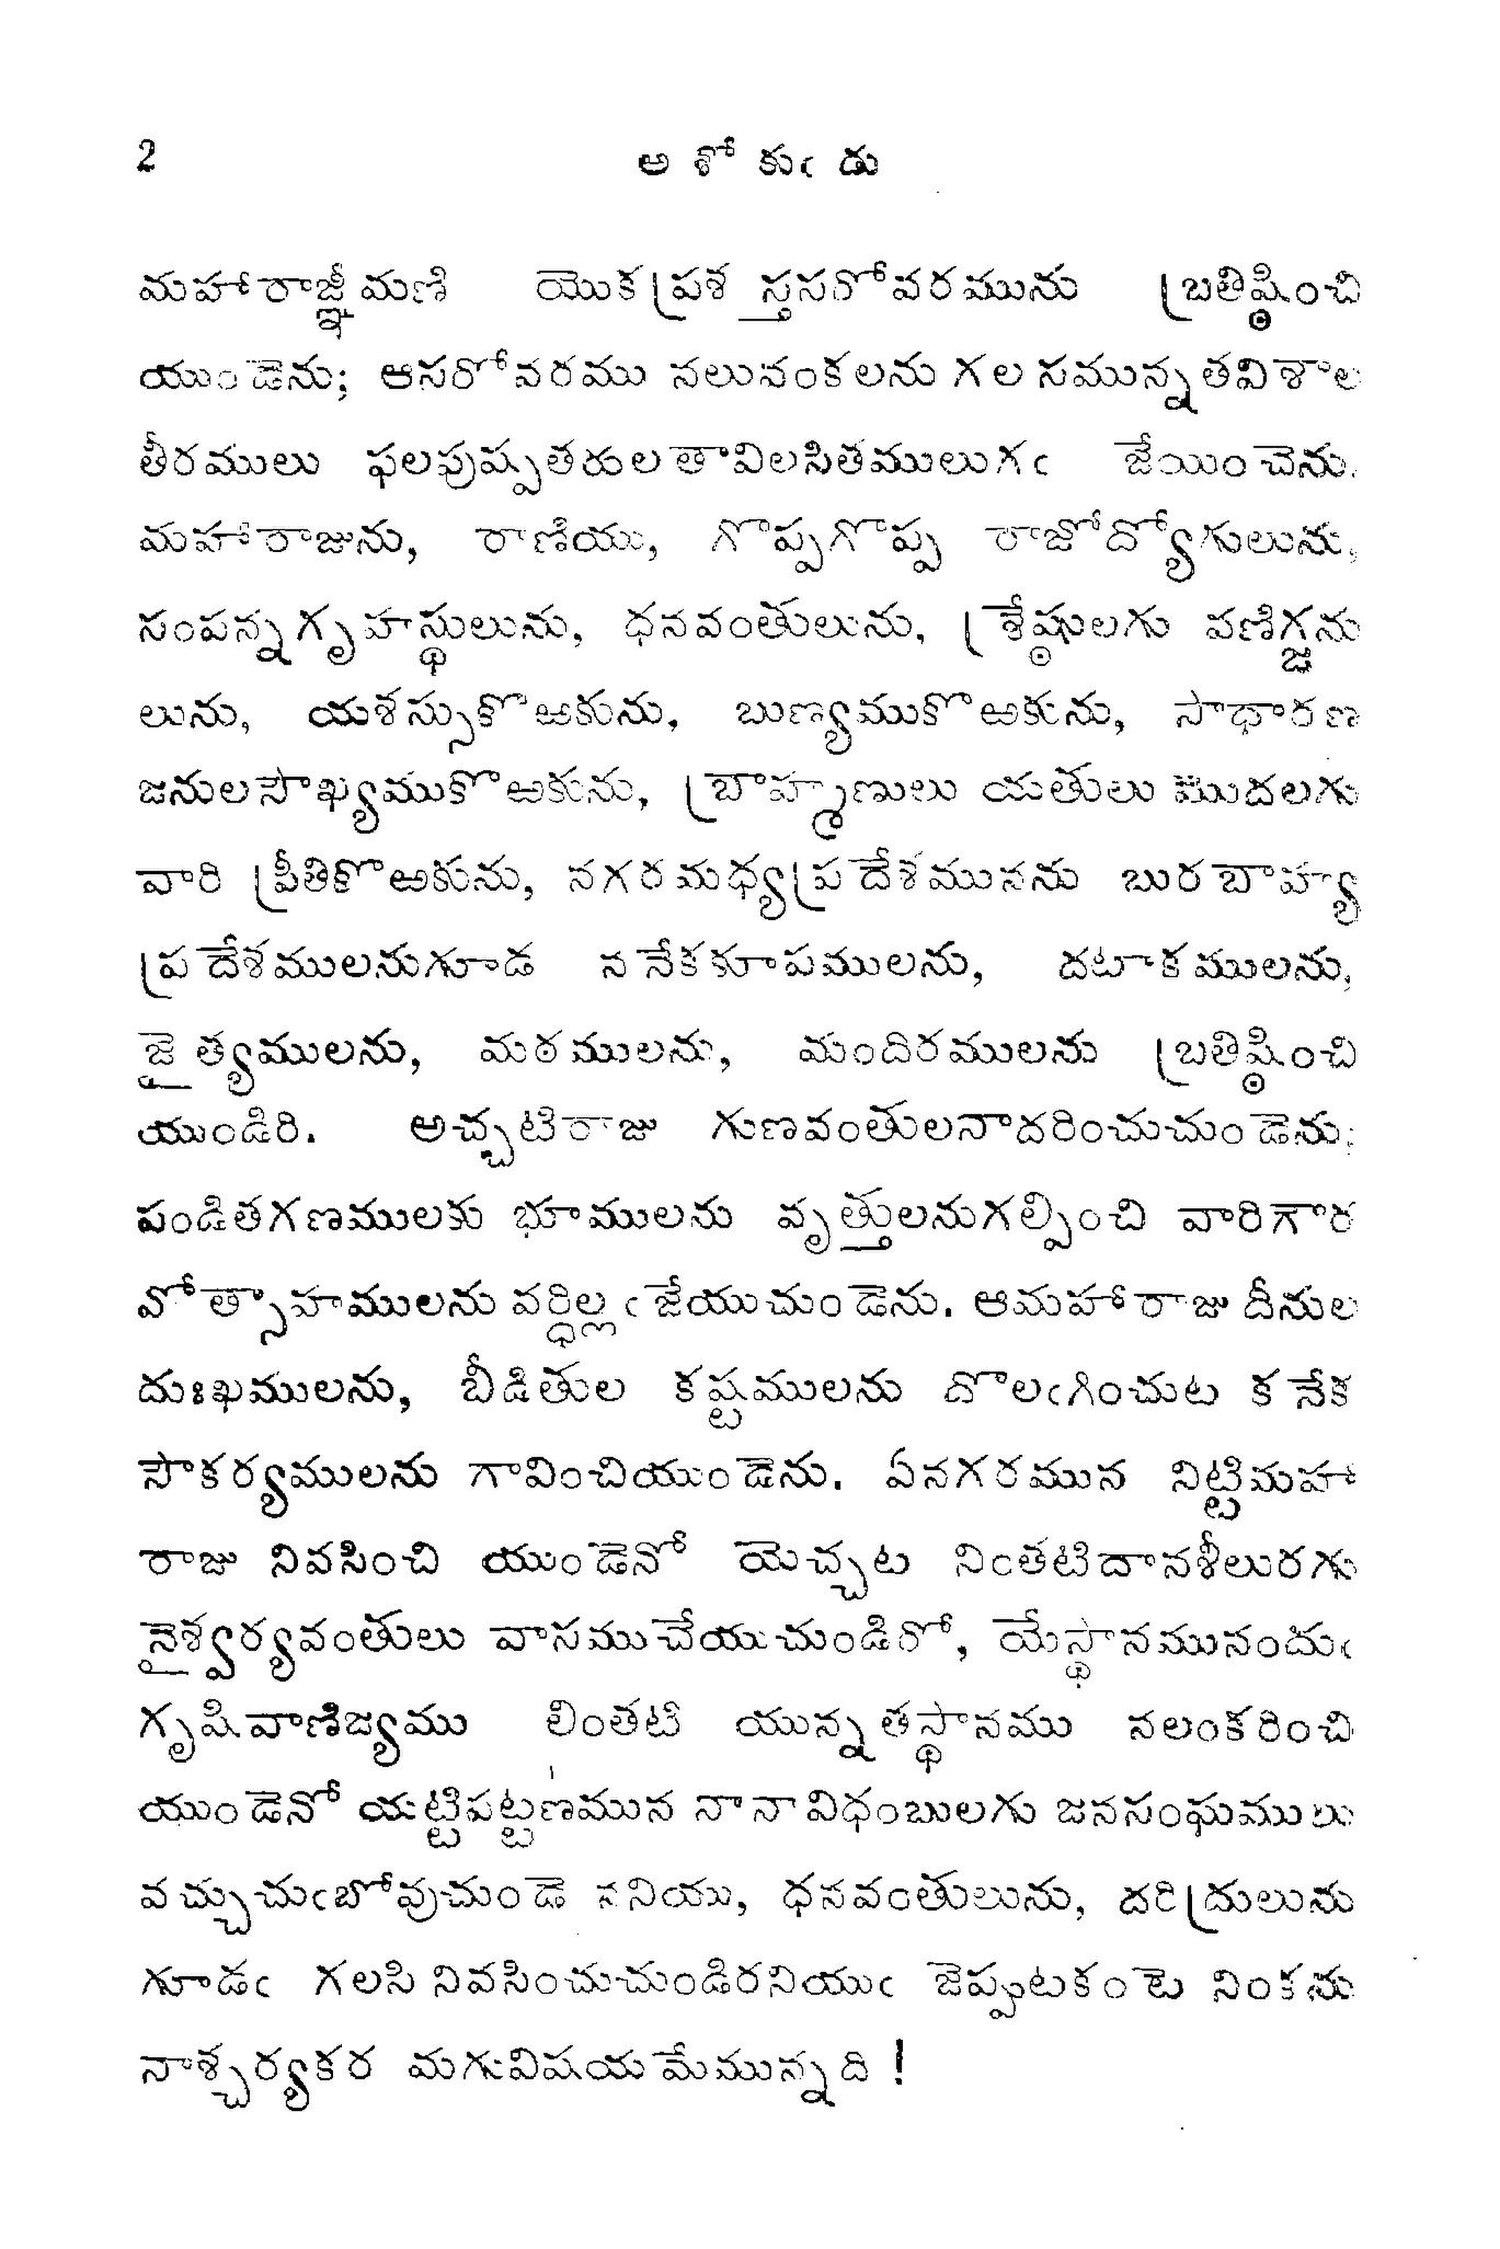మహారాజ్ఞీ మణి యొక ప్రశ స్తసరోవరమును బ్రతిష్ఠించి యుండెను; ఆ సరోవరము నలువంకలను గల సమున్నత విశాల తీరములు ఫలపుష్పతరులతావిలసితములుగఁ జేయించెను. మహారాజును, రాణీయు, గొప్పగొప్ప రాజోద్యోగులును సంపన్న గృహస్థులును, ధనవంతులును, శ్రేష్ఠులగు వణిగ్జను
లును, యశస్సుకొఱకును, బుణ్యముకొఱకును, సాధారణజనుల సౌఖ్యము కొఱకును, బ్రాహ్మణులు యతులు మొదలగు వారి ప్రీతికొఱకును, నగర మధ్యప్రదేశమునను బుర బాహ్య ప్రదేశములనుగూడ ననేక కూపములను, దటాకములను, జైత్యములను, మఠములను, మందిరములను బ్రతిష్ఠించి యుండిరి. అచ్చటి రాజు గుణవంతులనాదరించుచుండెను; పండితగణములకు భూములను వృత్తులను గల్పించి వారి గౌర వోత్సాహములను వర్ధిల్ల ఁ జేయుచుండెను. ఆమహారాజు దీనుల దుఃఖములను, బీడితుల కష్టములను దొలఁగించుట కనేక సౌకర్యములను గావించియుండెను. ఏనగరమున నిట్టిమహా
రాజు నివసించి యుండెనో యెచ్చట నింతటి దానశీలురగు నైశ్వర్యవంతులు వాసము చేయుచుండినో, యే స్థానమునందు, గృషి వాణిజ్యము లింతటి యున్నత స్థానము నలంకరించి, యుండెనో యట్టిపట్టణమున నానా విధంబులగు జనసంఘములు వచ్చుచుఁబోవుచుండె ననియు, ధనవంతులును, దరిద్రులును గూడఁ గలసి నివసించుచుండిరనియుఁ జెప్పుటకంటె నింకను నాశ్చర్యకర మగు విషయమేమున్నది !